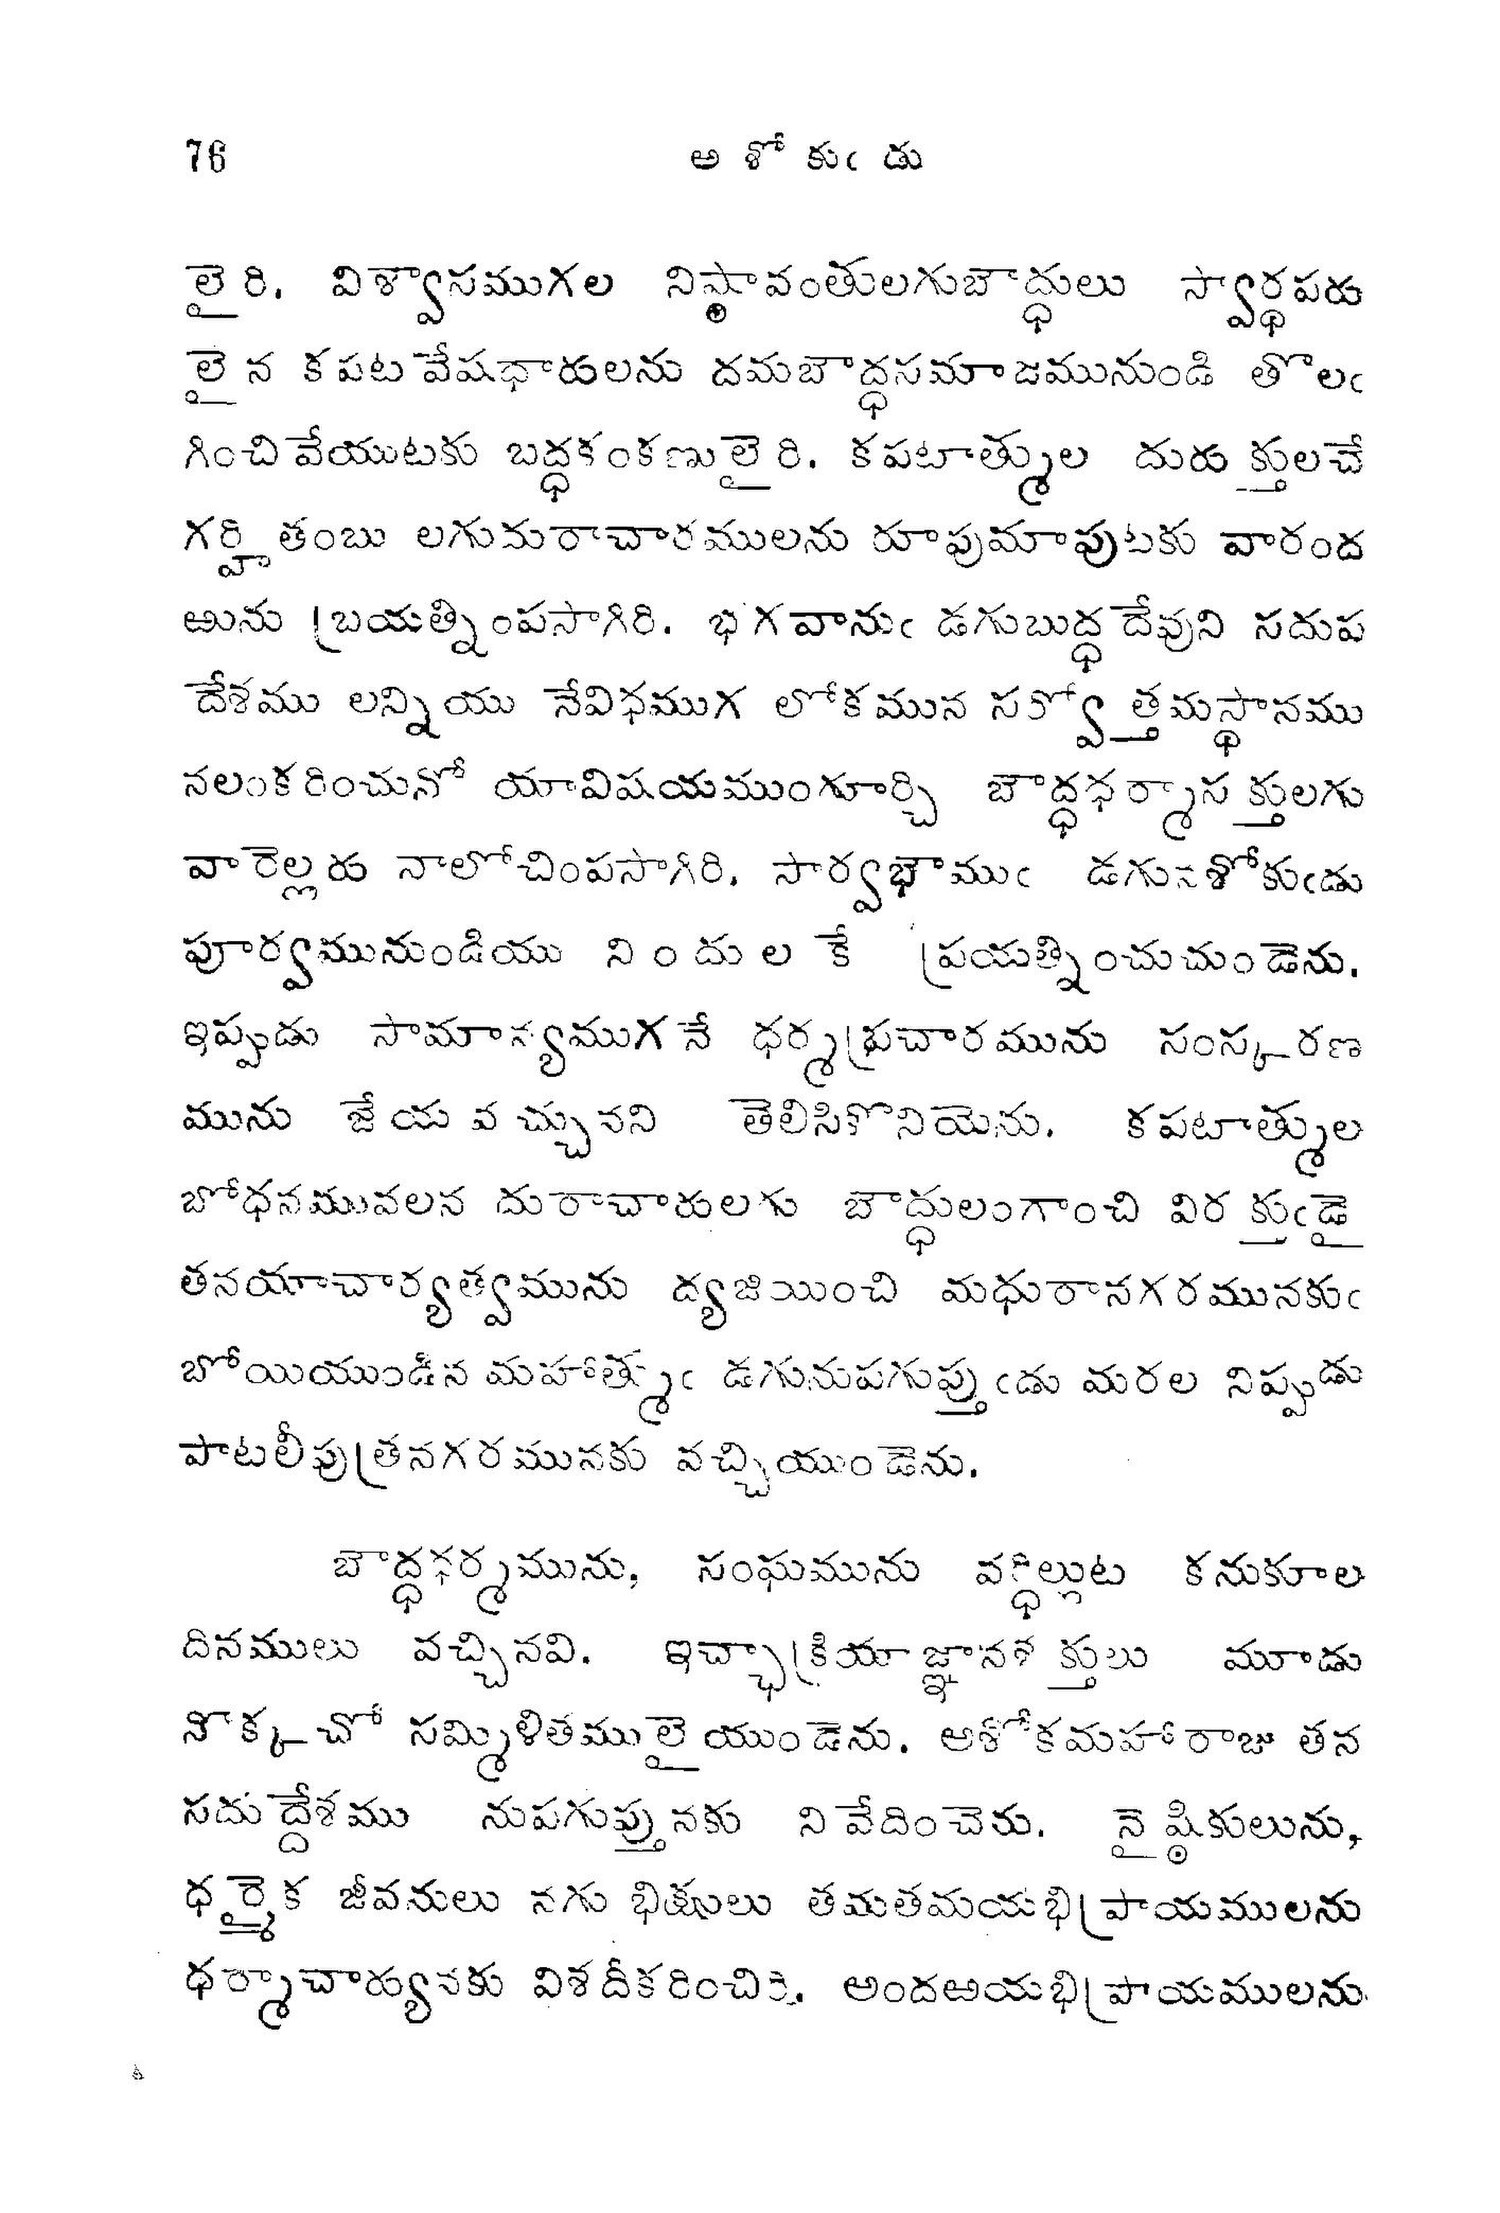లైరి. విశ్వాసముగల నిస్థావంతులగు బౌద్ధులు స్వార్థపరులైన కపట వేషధారులను దమబౌద్ధసమాజమునుండి తొలఁగించి వేయుటకు బద్ధకంకణులైరి. కపటాత్ముల దురుక్తులచే
గర్హితంబు లగుదురాచారములను రూపుమాపుటకు వారందఱును బ్రయత్నింపసాగిరి. భగవానుఁ డగుబుద్ధ దేవుని సదుప దేశము లన్నియు నేవిధముగ లోకమున సర్వొత్తమ స్థానము
నల:కరించునో యావిషయముం గూర్చి బౌద్ధధర్మాసక్తులగు వారెల్లరు నాలోచింపసాగిరి. సార్వభౌముఁ డగు నశోకుఁడు పూర్వమునుండియు నిందుల కే ప్రయత్నించుచుండెను.
ఇప్పుడు సామాగ్యముగనే ధర్మ ప్రచార మును సంస్కరణమును జేయ వచ్చునని తెలిసికొనియెను. కపటాత్ముల బోధనమువలన దురాచారులగు బౌద్ధులంగాంచి విర క్తుఁడై
తనయాచార్యత్వమును ద్యజియించి మధురానగరమునకుఁ బోయియుండిన మహాత్ముఁ డగు నుపగుప్తుఁడు మరల నిప్పుడు పాటలీపుత్రనగరమునకు వచ్చియుండెను.

బౌద్ధ ధర్మమును, సంఘమును వర్ధిల్లుట కనుకూల దినములు వచ్చినవి. ఇచ్ఛాక్రియా జ్ఞానశక్తులు మూడు నొక్కచో సమ్మిళితములై యుండెను. ఆశోకమహా రాజు తన సదుద్దేశము నుపగుప్తునకు నివేదిం చెరు. నైష్ఠికులును, ధర్మైక జీవనులు నగు భిక్షులు తమతమ యభిప్రాయములను ధర్మాచార్యునకు విశదీకరించిరి. అందఱయభిప్రాయములను